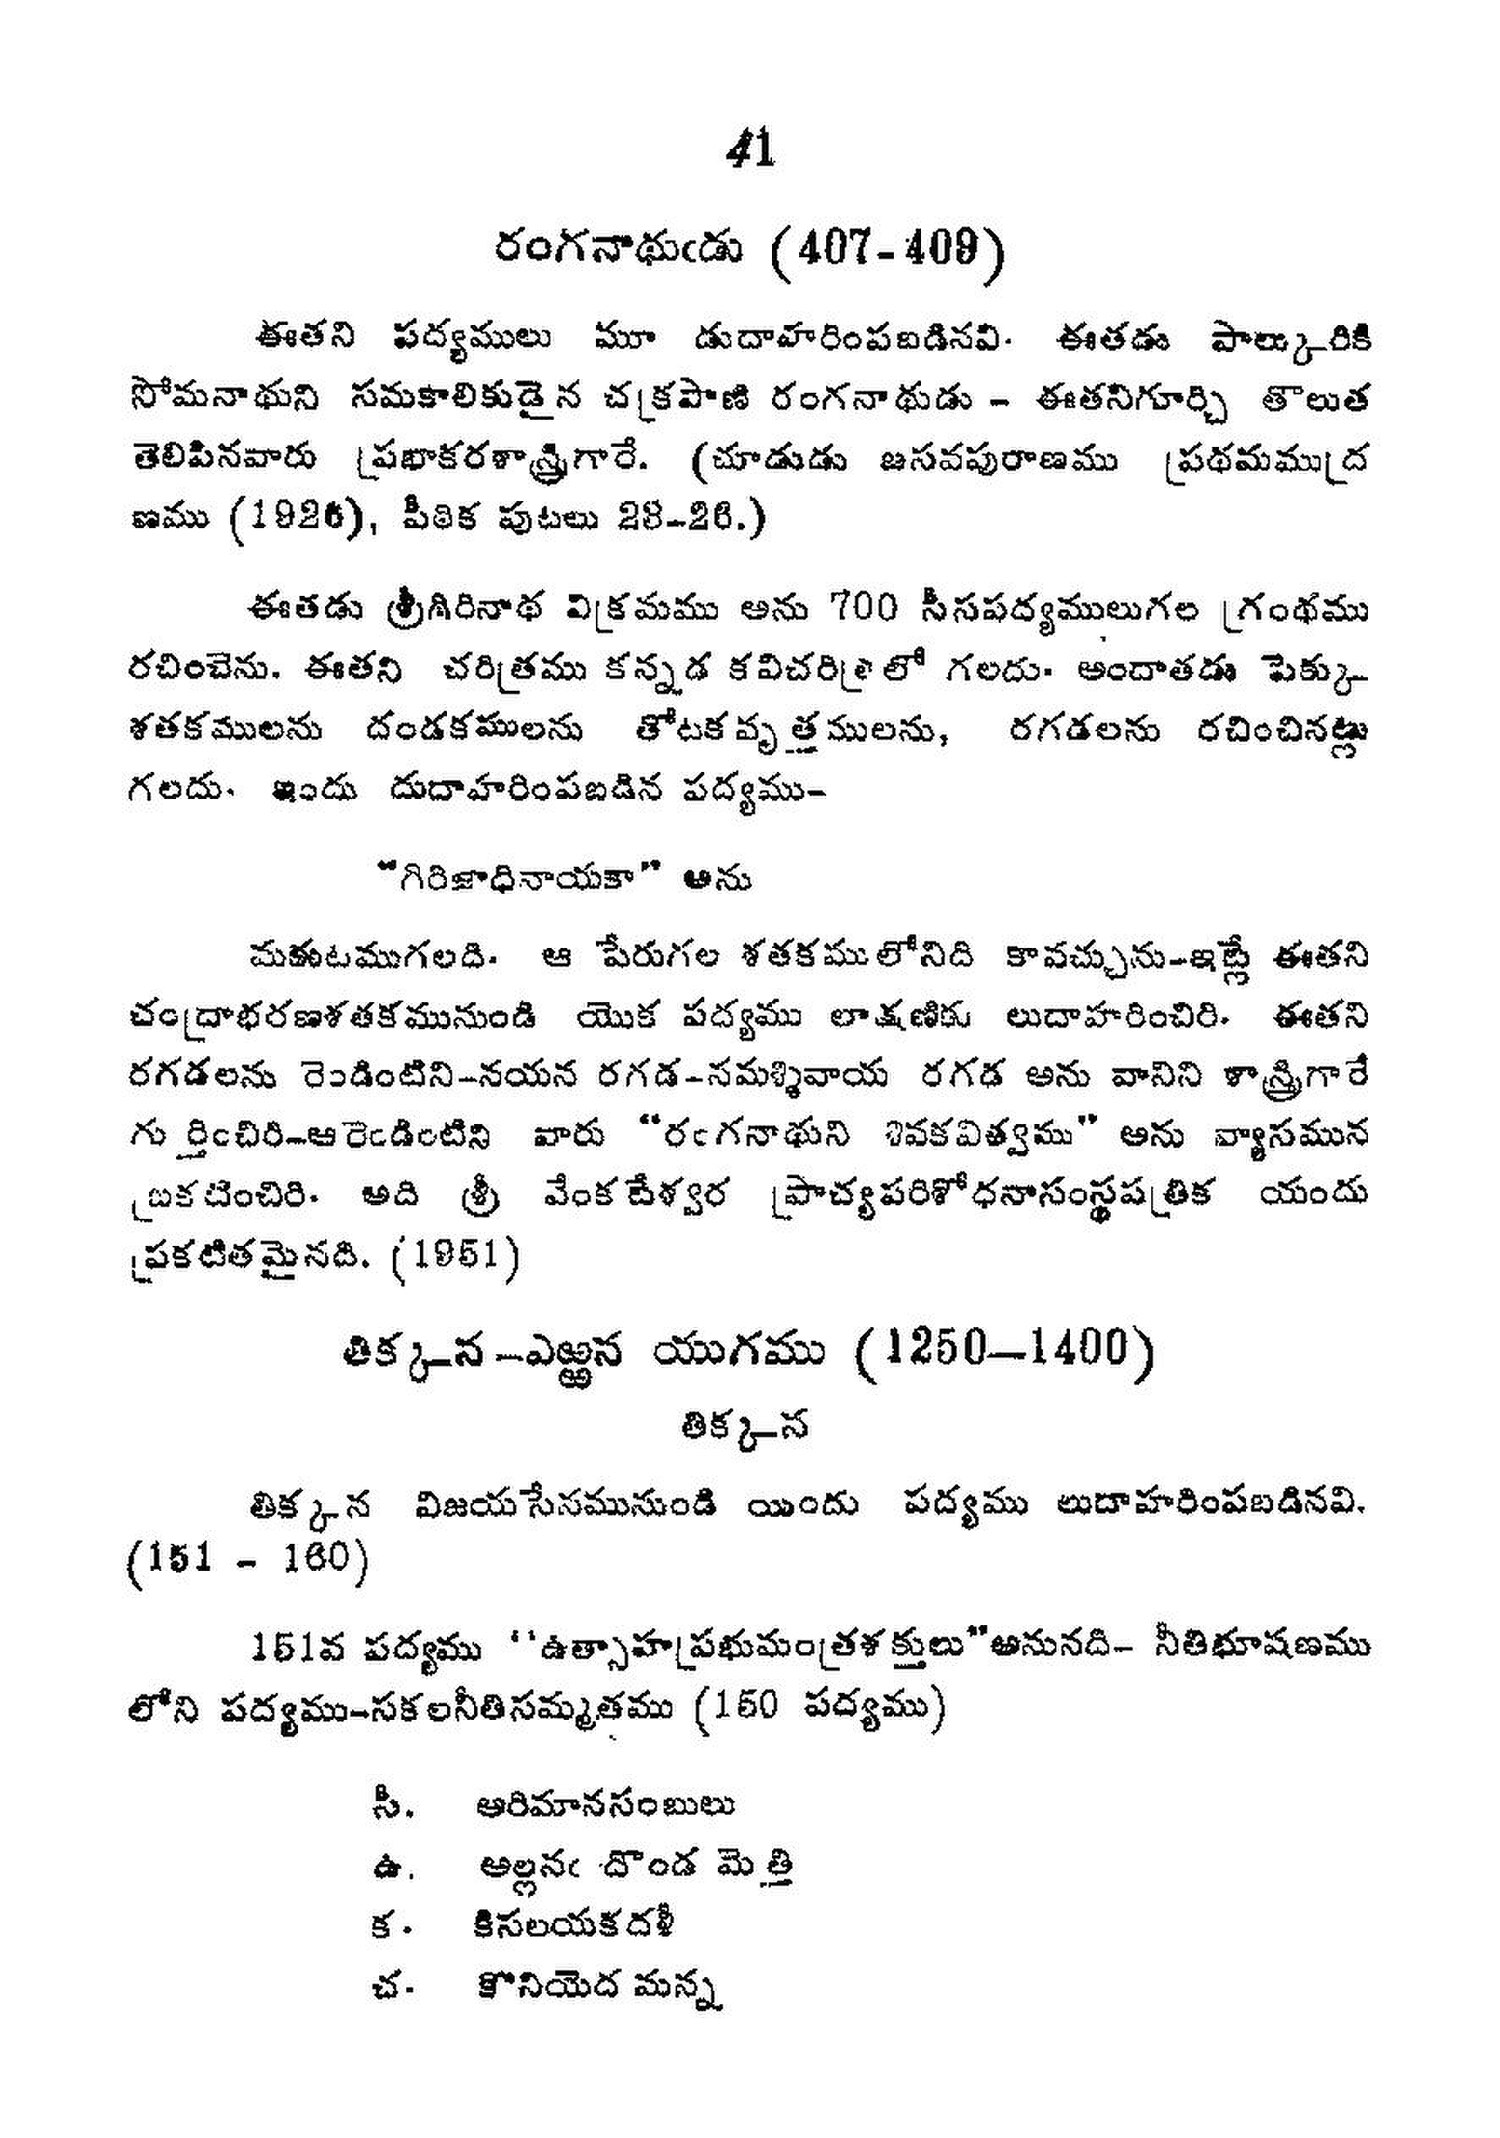ఈతని పద్యములు మూడుదాహరింపబడినవి.ఈతడు పాల్కురికి
సోమనాథుని సమకాలికుడైన చక్రపాణి రంగనాథుడు - ఈతనిగూర్చి తొలుత
తెలిపినవారు ప్రభాకరశాస్త్రి గారే. (చూడుడు బసవపురాణము ప్రథమముద్ర
ఇము (1926), పీఠిక పుటలు 28-28.)

ఈతడు శ్రీగిరినాథ విక్రమము అను 700 సీసపద్యములుగల గ్రంథము
రచించెను. ఈతని చరిత్రము కన్నడ కవిచరిత్ర లో గలదు. అందాతడు పెక్కు
శతకములను దండకములను తోటక వృత్తములను, రగడలను రచించినట్లు
గలదు, ఇందు దుదాహరింపబడిన పద్యము-

బ్రకటించిరి.

మకంటముగలది. ఆ పేరుగల శతకము లోనిది కావచ్చును-ఇట్లే ఈతని
చంద్రోధరణశతకమునుండి యొక పద్యము లాక్షణికు లుదాహరించిరి.
రగడలను రెండింటిని--నయన రగడ-సమశ్శివాయ రగడ అను వానిని శాస్త్రిగారే
గుర్తించిరి. ఆ రెండింటిని వారు “రంగనాథుని శివకవిత్వము" అను వ్యాసమున
అది శ్రీ వేంక టేశ్వర ప్రాచ్య పరిశోధనాసంస్థపత్రిక యందు ప్రకటితమైనది. (1961)

తిక్కన విజయ సేనమునుండి యిందు పద్యము లుదాహరింపబడినవి.(151 - 180)

161వ పద్యము "ఉత్సాహప్రభుమంత్రశక్తులు"అనునది- నీతి భూషణము
లోని పద్యము-సకలనీతి సమ్మతము (150 పద్యము)

సీ. ఆరిమానసంబులు
ఉ. అల్లనఁ దొండ మెత్తి
క. కిసలయకదళీ
చ. కొనియెద మన్న